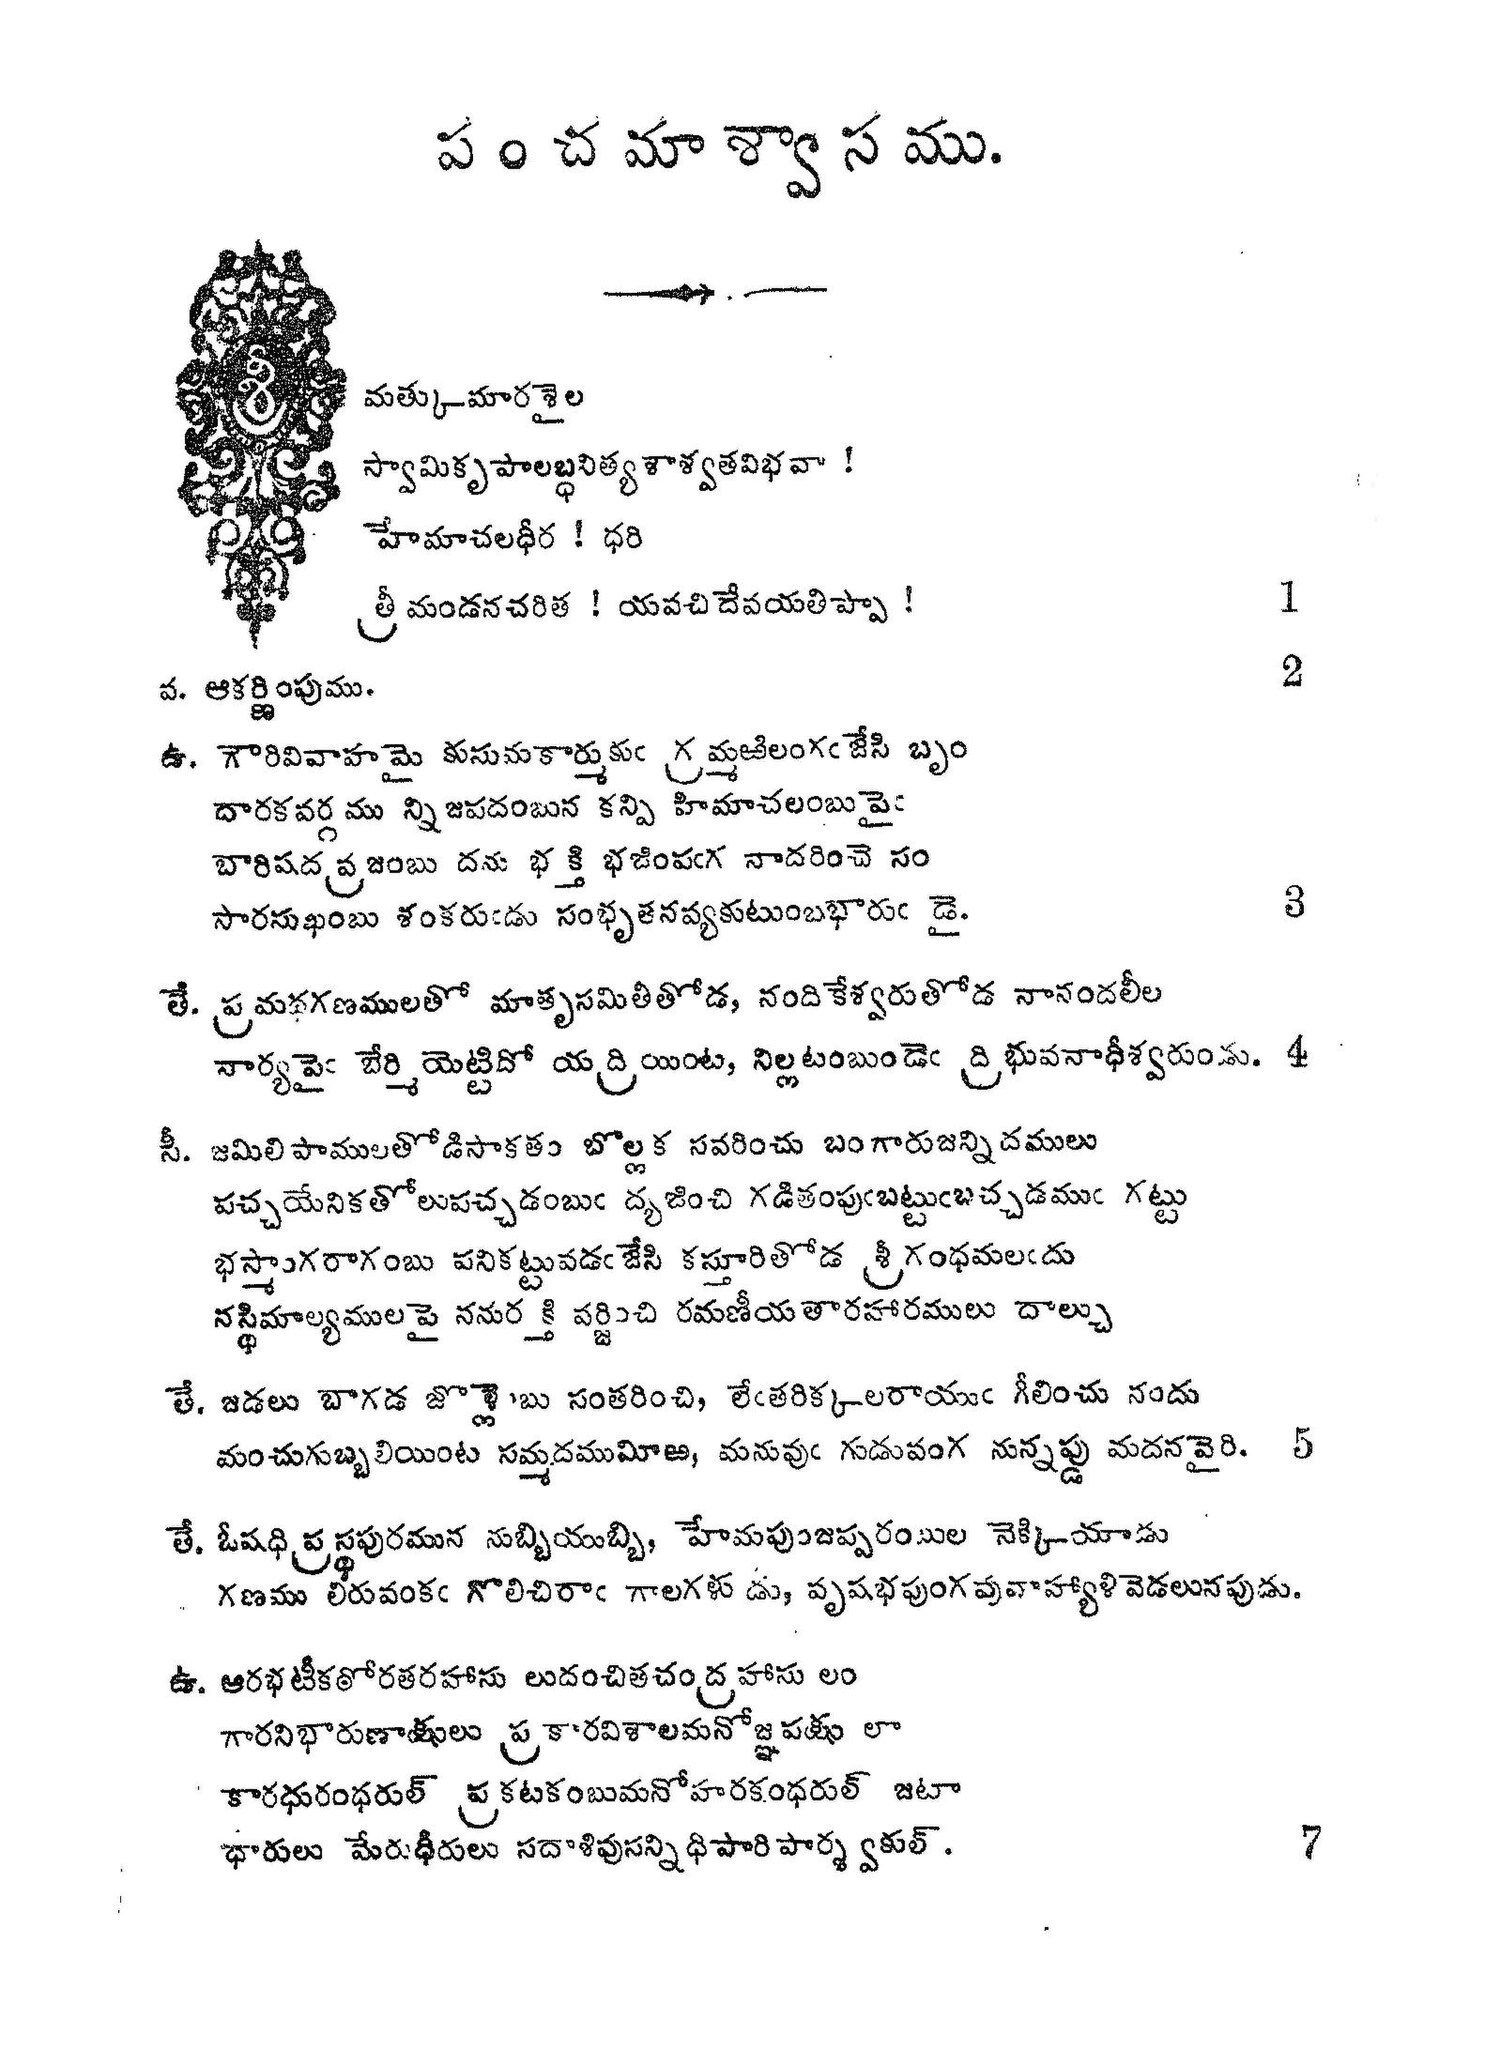శ్రీమత్కుమారశైల
స్వామికృపాలధనిత్యశాశ్వతవిభవా!
హేమాచలధీర! ధరి
త్రీమండనచరిత! యవచిదేవయతిప్పా! 1

వ. ఆకర్ణింపుము. 2

ఉ. గౌరివివాహమై కుసుముకార్ముకుఁ గ్రమ్మఱిలంగఁ జేసి బృం
దారకవర్గము న్నిజపదంబున కన్పి హిమాచలంబుపైఁ
బారిషదవ్రజంబు దను భక్తి భజింపఁగ నాదరించె సం
సారసుఖంబు శంకరుఁడు సంభృతనవ్యకుటుంబభారుఁ డై. 3

తే. ప్రమథగణములతో మాతృసమితితోడ, నందికేశ్వరుతోడ నానందలీల
నార్యపైఁ బేర్మి యెట్టిదో యద్రియింట, నిల్లటంబుండెఁ ద్రిభువనాధీశ్వరుండు. 4

సీ. జమిలిపాములతోడిసాకతం బొల్లక సవరించు బంగారుజన్నిదములు
పచ్చయేనికతోలుపచ్చడంబుఁ దృజించి గడితంపుఁబట్టుఁబచ్చడముఁ గట్టు
భస్మాంగరాగంబు పనికట్టువడఁజేసి కస్తూరితోడ శ్రీగంధ మలఁదు
నస్థిమాల్యములపై ననురక్తి వర్జించి రమణీయతారహారములు దాల్చు
తే. జడలు బాగడ జొళ్ళెంబు సంతరించి, లేఁతరిక్కలరాయుఁ గీలించు నందు
మంచుగుబ్బలియింట సమ్మదము మీఱ, మనువుఁ గుడువంగ నున్నప్డు మదనవైరి. 5

తే. ఓషధిప్రస్థపురమున నుబ్బియుబ్బి, హేమపుంజప్పరంబుల నెక్కియాడు
గణము లిరువంకఁ గొలిచిరాఁ గాలగళుఁడు, వృషభపుంగవువాహ్యాళి వెడలునపుడు. 6

ఉ. ఆరభటీకఠోరతరహాసు లుదంచితచంద్రహాసు లం
గారనిభారుణాక్షులు ప్రకారవిశాలమనోజ్ఞపక్షు లా
కారధురంధరుల్ ప్రకటకంబుమనోహరకంధరుల్ జటా
ధారులు మేరుధీరులు సదాశివుసన్నిధి పారిపార్శ్వకుల్.